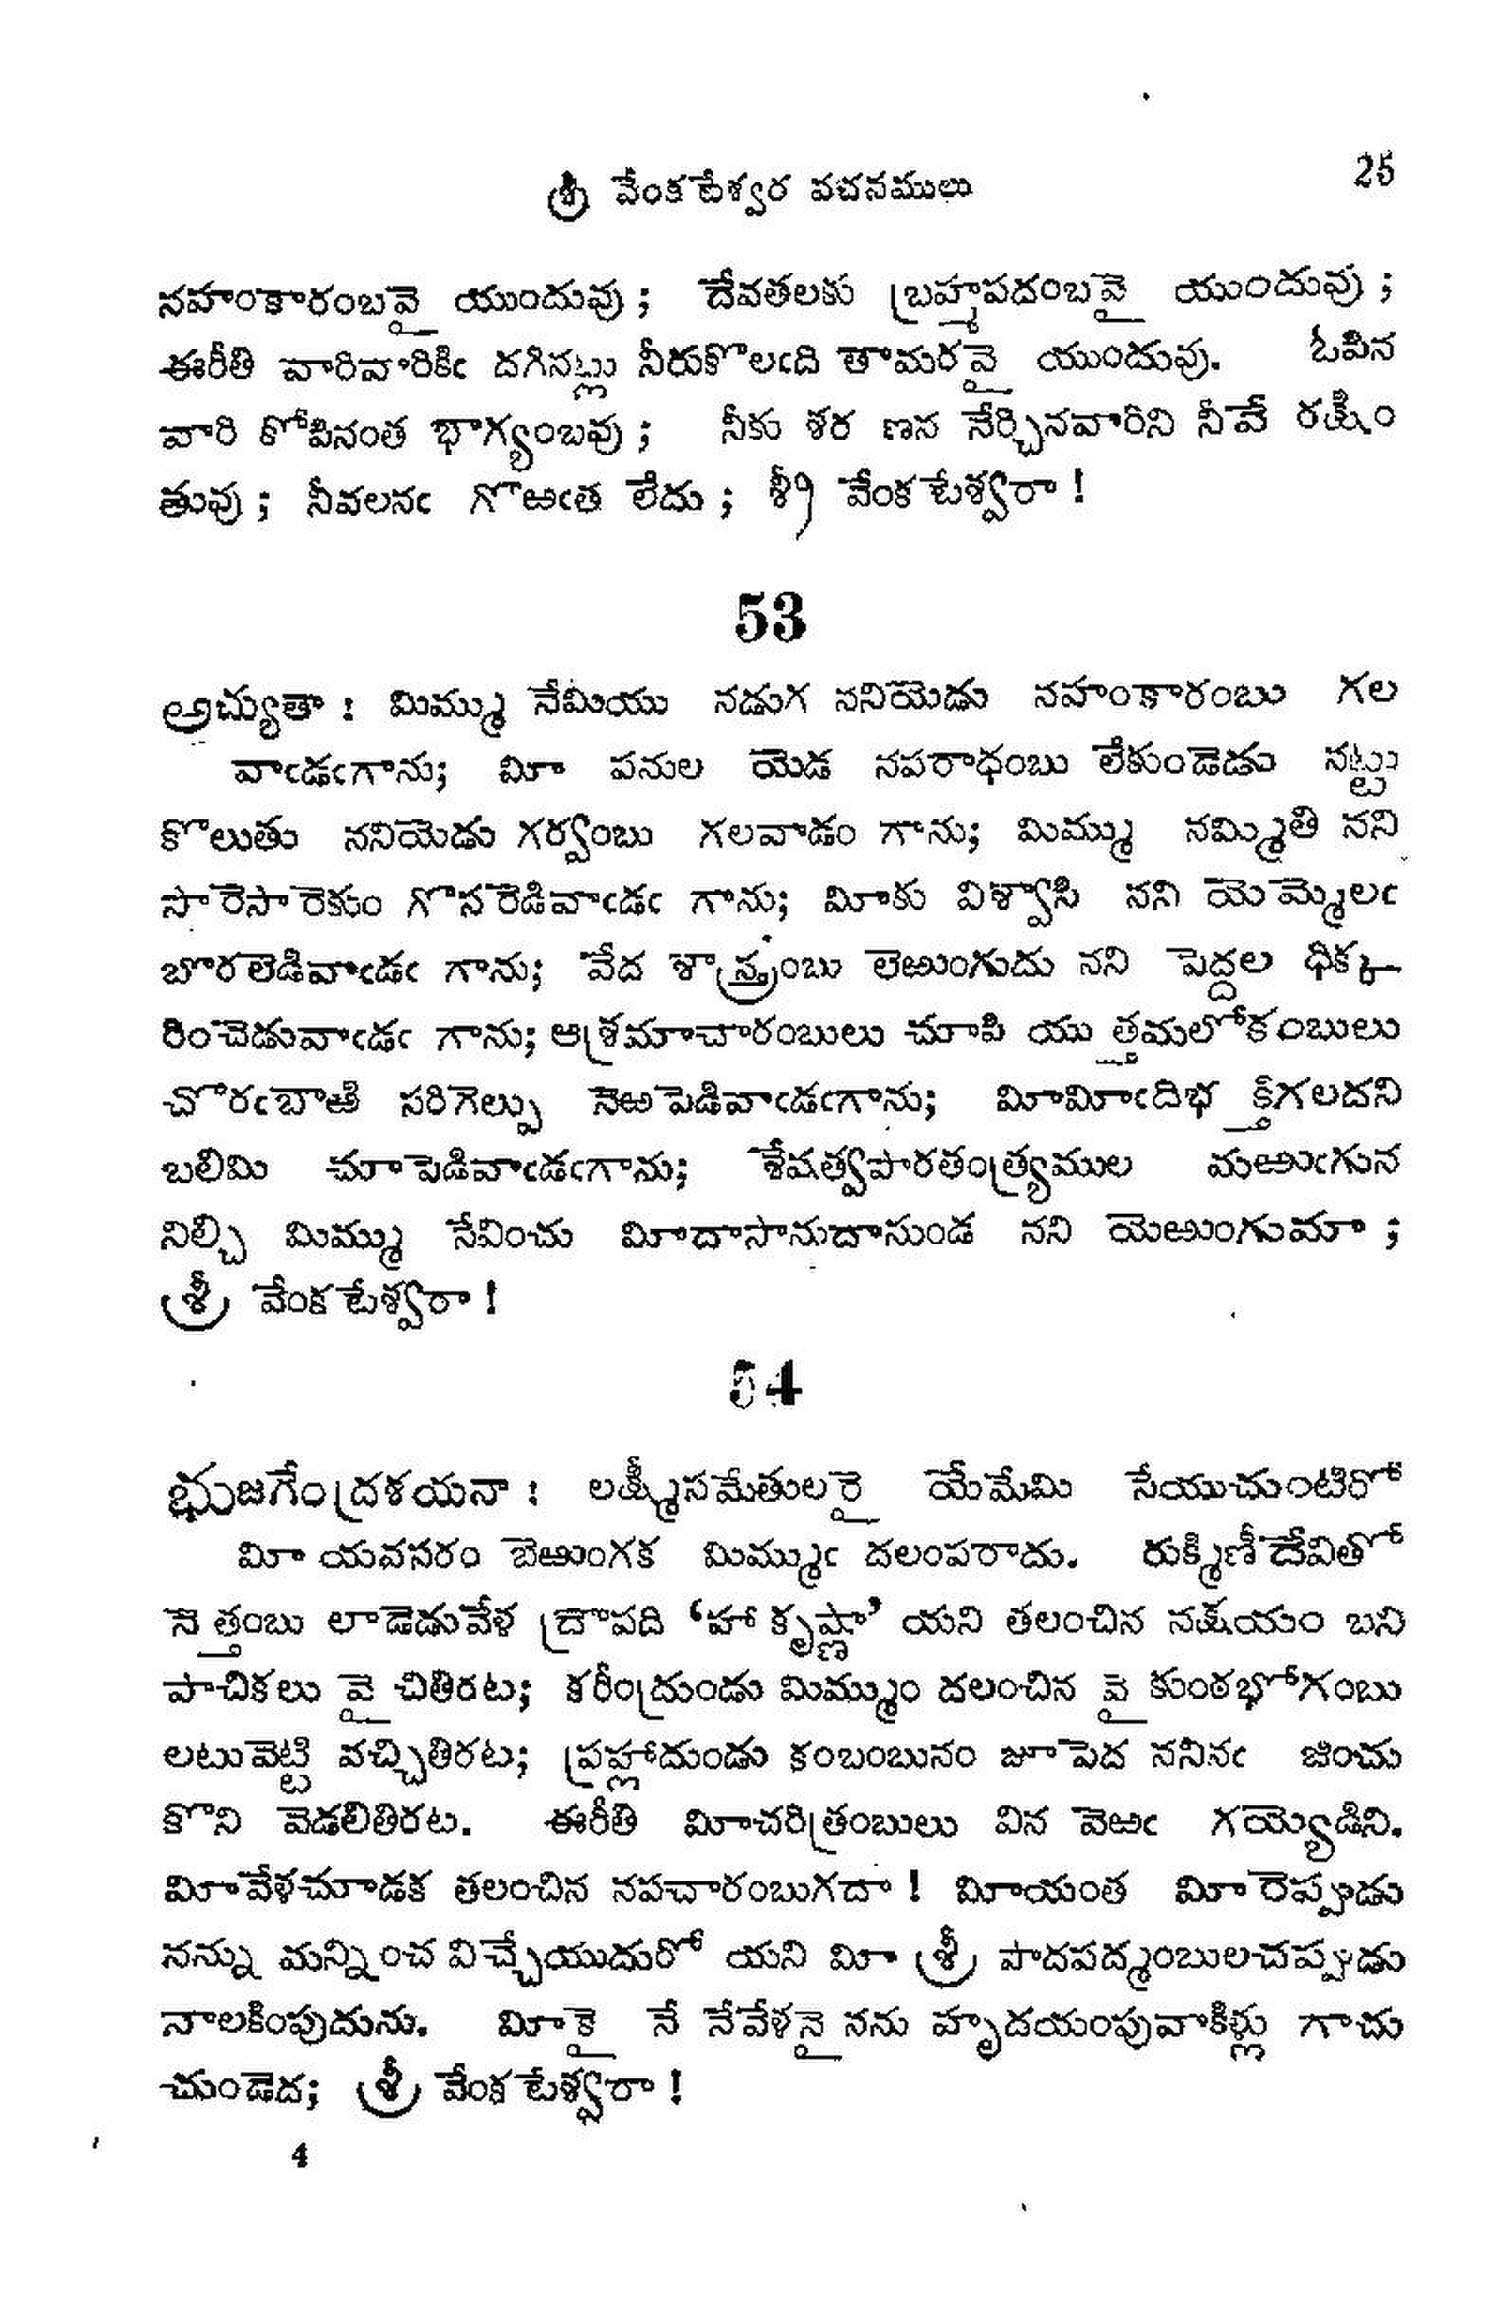సహంకారంబవై యుందువు ; దేవతలకు బ్రహ్మపదంబవై యుందువు ; ఈరీతి వారివారికిఁ దగినట్లు నీరుకొలఁది తామరవై యుందువు. ఓపిన వారి కోపినంత భాగ్యంబవు; నీకు శర ణన నేర్చినవారిని నీవే రక్షింతువు ; నీవలనఁ గొఱత లేదు ; శ్రీ వేంకటేశ్వరా !

53 

 ! మిమ్ము నేమియు నడుగ ననియెడు నహంకారంబు గలవాఁడఁగాను; మీ పనుల యెడ నపరాధంబు లేకుండెడు నట్టు కొలుతు ననియెడు గర్వంబు గలవాడం గాను; మిమ్ము నమ్మితి నని సారెసారెకుం గొసరెడివాఁడఁ గాను; మీకు విశ్వాసి నని యెమ్మెలం బొరలెడివాఁడఁ గాను; వేద శాస్త్రంబు లెఱుంగుదు నని పెద్దల ధిక్కరించెడువాఁడఁ గాను; ఆశ్రమాచారంబులు చూపి యుత్తమలోకంబులు చొరఁబాఱి సరిగెల్పు నెఱపెడివాఁడఁగాను; మీమీఁదిభక్తి గలదని బలిమి చూ పెడివాఁడఁగాను; 'శేషత్వ పారతంత్య్రముల మఱుఁగున నిల్చి మిమ్ము సేవించు మీ దాసానుదాసుండ నని యెఱుంగుమా; శ్రీ వేంకటేశ్వరా !

54 

 ! లక్ష్మీసమేతులరై యేమేమి సేయుచుంటిరో మీ యవసరం బెఱుంగక మిమ్ముఁ దలంపరాదు. రుక్మిణీ దేవితో నెత్తంబు లాడెడువేళ ద్రౌపది “హా కృష్ణా' యని తలంచిన నక్షయం బని పాచికలు వైచితిరట; కరీంద్రుండు మిమ్ముం దలంచిన వైకుంఠభోగంబు లటువెట్టి వచ్చితిరట; ప్రహ్లాదుండు కంబంబునం జూపెద ననినఁ జించు కొని వెడలితిరట. ఈరీతి మీచరిత్రంబులు విన వెఱఁ గయ్యెడిని, మీవేళచూడక తలంచిన నపచారంబుగదా ! మీయంత మీరెప్పుడు నన్ను మన్నించ విచ్చేయుదురో యని మీ శ్రీ పాదపద్మంబులచప్పుడు నాలకింపుదును. మీకై నేనేవేళనైనను హృదయంపు వాకిళ్లు గాచు చుండెద; శ్రీ వేంకటేశ్వరా !